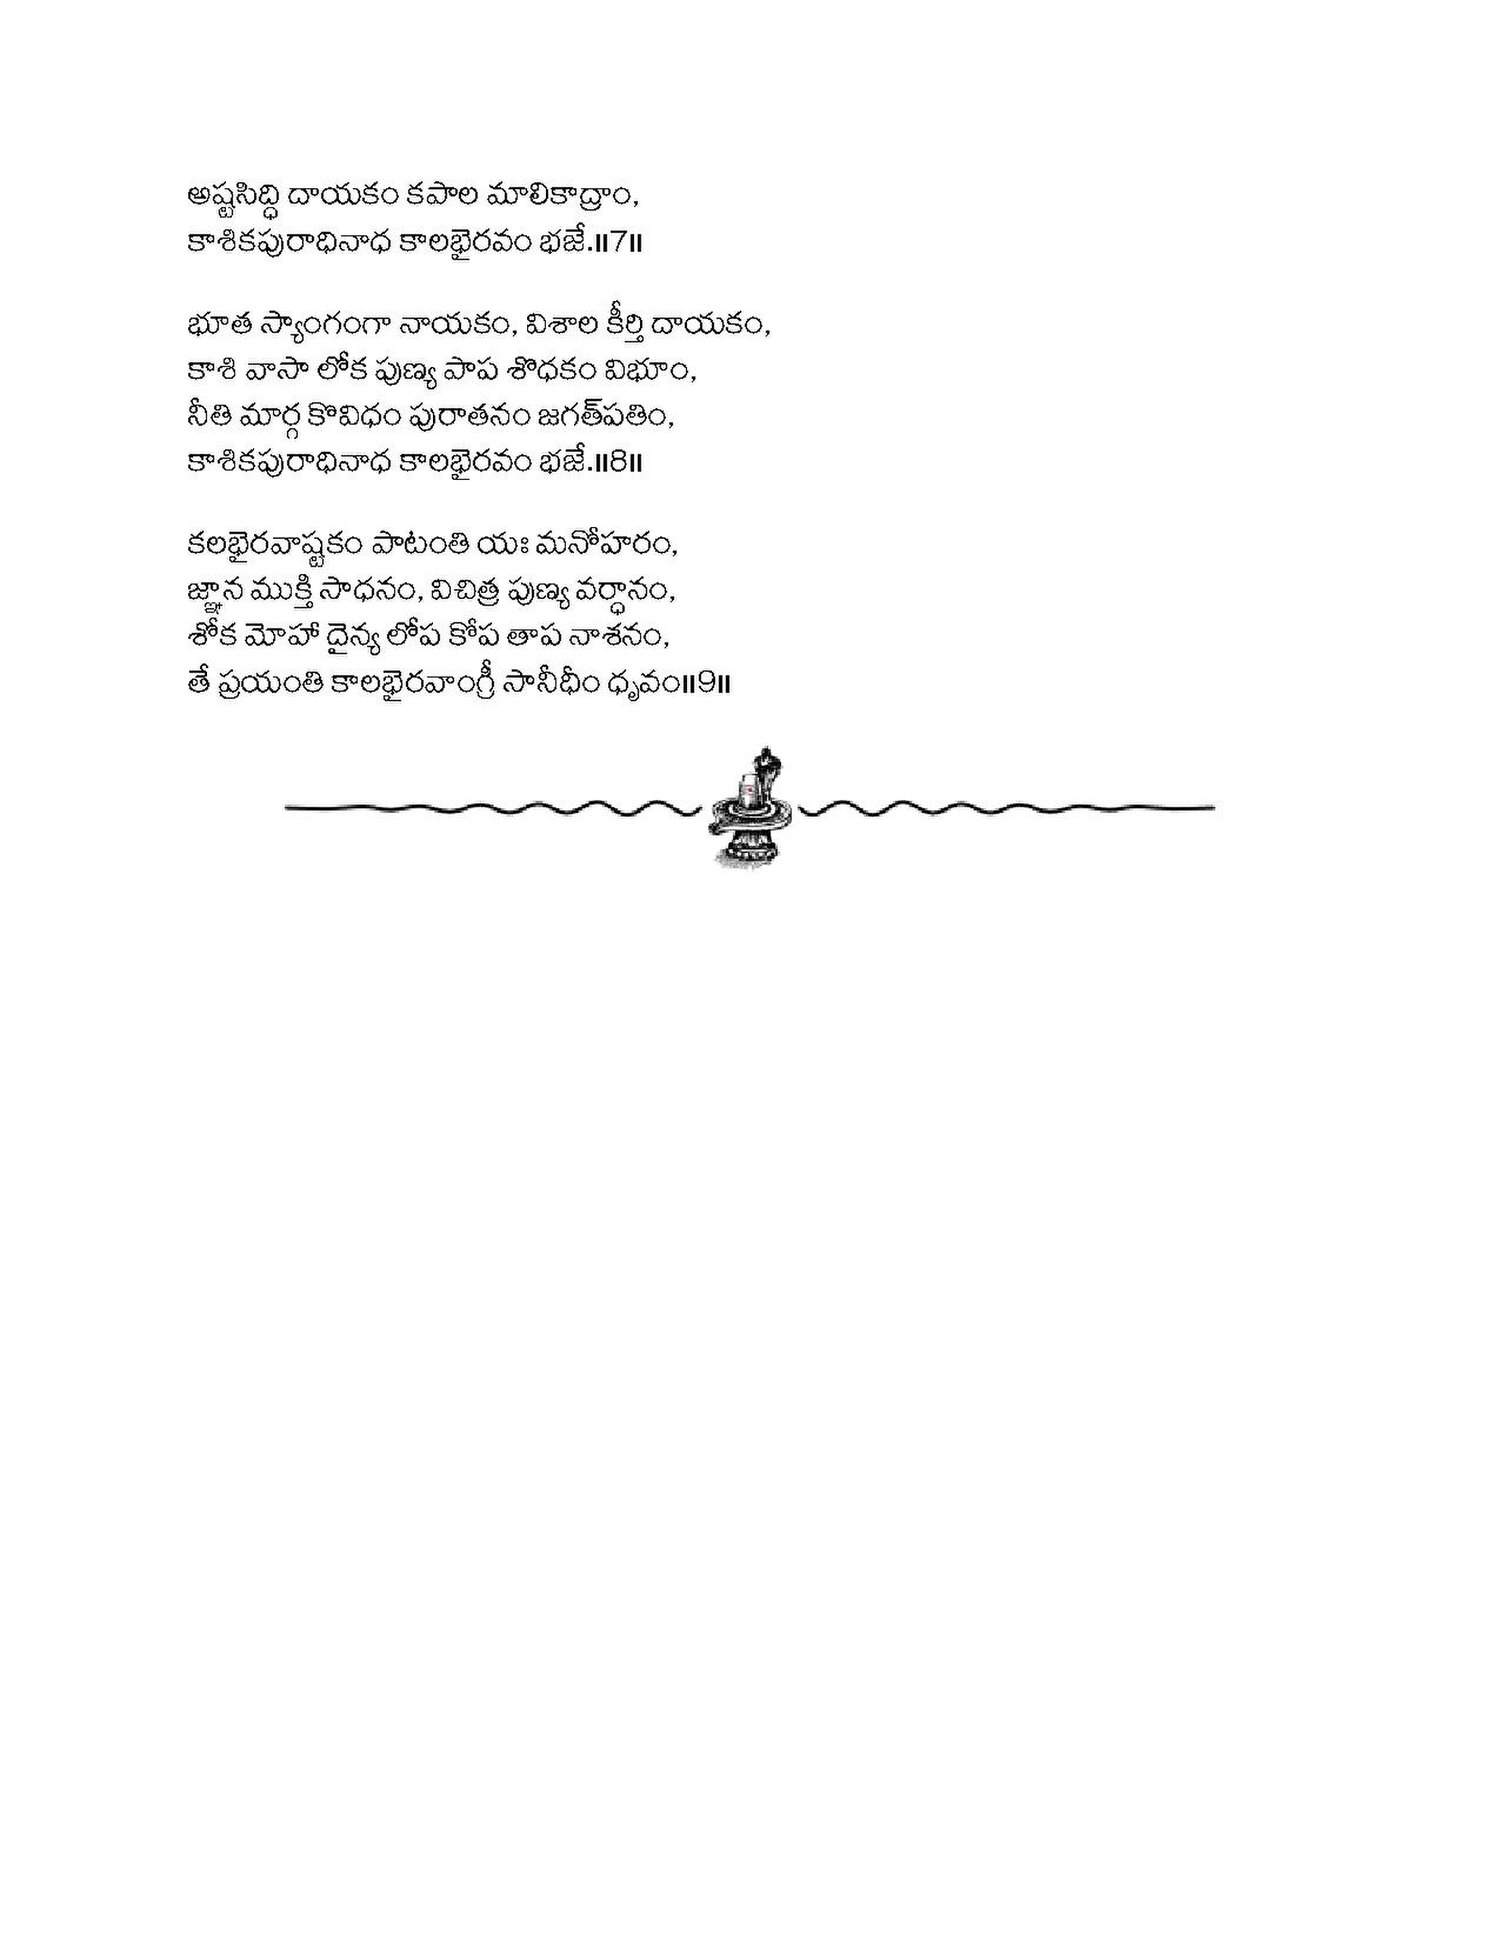అష్టసిద్ధి దాయకం కపాల మాలికాద్రాం,
కాశికపురాధినాధ కాలభైరవం భజే.||7||

భూత స్యాంగంగా నాయకం, విశాల కీర్తి దాయకం,
కాశి వాసా లోక పుణ్య పాప శోధకం విభూం,
నీతి మార్గ కొవిధం పురాతనం జగత్‌పతిం,
కాశికపురాధినాధ కాలభైరవం భజే.||8||

కలభైరవాష్టకం పాటంతి యః మనోహరం,
జ్ఞాన ముక్తి సాధనం, విచిత్ర పుణ్య వర్ధానం,
శోక మోహా దైన్య లోప కోప తాప నాశనం,
తే ప్రయంతి కాలభైరవాంగ్రీ సానీధీం ధృవం||9||